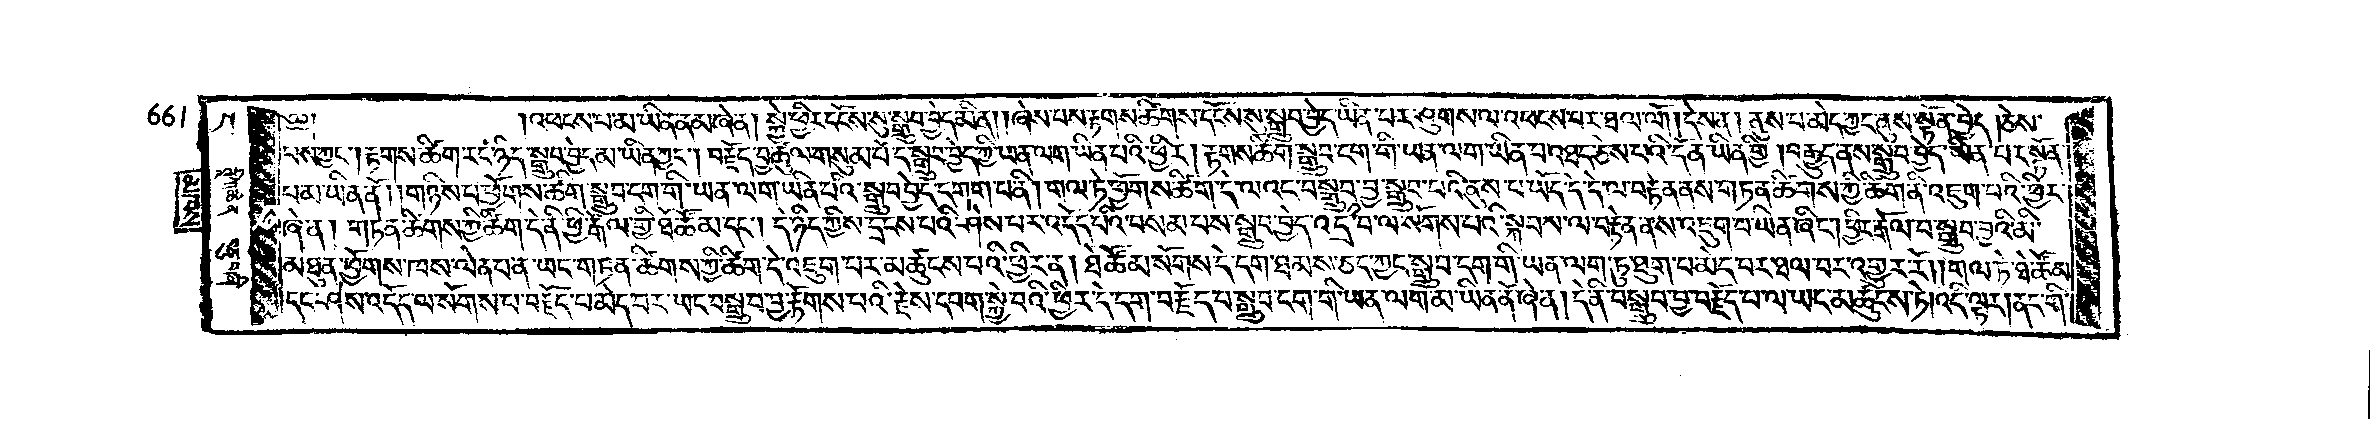༄༅། །འཕངས་པ་མ་ཡིན་ནམ་ཞེ་ན། སྐྱེ་ཕྱིར་དངོས་སུ་སྒྲུབ་བྱེད་མིན། །ཞེས་པས་རྟགས་ཚིགས་དངོས་སུ་སྒྲུབ་བྱེད་ཡིན་པར་ཤུགས་ལ་འཕངས་པར་ཐལ་ལོ། །དེས་ན། ནུས་པ་མེད་ཀྱང་ནུས་སྟོན་བྱེད། ཅེས་
པས་ཀྱང་། རྟགས་ཚིག་རང་ཉིད་སྒྲུབ་བྱེད་མ་ཡིན་ཀྱང་། བརྗོད་བྱ་ཚུལ་གསུམ་པོ་དེ་སྒྲུབ་བྱེད་ཀྱི་ཡན་ལག་ཡིན་པའི་ཕྱིར། རྟགས་ཚིག་སྒྲུབ་ངག་གི་ཡན་ལག་ཡིན་པ་འཐད་ཅེས་པའི་དོན་ཡིན་གྱི། བརྒྱུད་ནས་སྒྲུབ་བྱེད་ཡིན་པར་སྟོན་
པ་མ་ཡིན་ནོ། །གཉིས་པ་ཕྱོགས་ཚིག་སྒྲུབ་ངག་གི་ཡན་ལག་ཡིན་པའི་སྒྲུབ་བྱེད་དགག་པ་ནི། གལ་ཏེ་ཕྱོགས་ཚིག་དེ་ལའང་བསྒྲུབ་བྱ་སྒྲུབ་པའི་ནུས་པ་ཡོད་དེ་དེ་ལ་བརྟེན་ནས་གཏན་ཚིགས་ཀྱི་ཚིག་ནི་འཇུག་པའི་ཕྱིར་
ཞེ་ན། གཏན་ཚིགས་ཀྱི་ཚིག་དེ་ནི་ཕྱི་རྒོལ་གྱི་ཐེ་ཚོམ་དང་། དེ་ཉིད་ཀྱིས་དྲངས་པའི་ཤེས་པར་འདོད་པའི་བསམ་པས་སྒྲུབ་བྱེད་འདྲ་བ་ལ་སོགས་པའི་སྐབས་ལ་བརྟེན་ནས་འཇུག་པ་ཡིན་ཞིང་། ཕྱིར་རྒོལ་བ་སྒྲུབ་བྱའི་མི་
མཐུན་ཕྱོགས་ཁས་ལེན་པ་ན་ཡང་གཏན་ཚིགས་ཀྱི་ཚིག་དེ་འཇུག་པར་མཚུངས་པའི་ཕྱིར་ན། ཐེ་ཚོམ་སོགས་དེ་དག་ཐམས་ཅད་ཀྱང་སྒྲུབ་དག་གི་ཡན་ལག་ཏུ་ཐུག་པ་མེད་པར་ཐལ་བར་འགྱུར་རོ། །གལ་ཏེ་ཐེ་ཚོམ་
དང་ཤེས་འདོད་ལ་སོགས་པ་བརྗོད་པ་མེད་པར་ཡང་བསྒྲུབ་བྱ་རྟོགས་པའི་རྗེས་དཔག་སྐྱེ་བའི་ཕྱིར་དེ་དག་བརྗོད་པ་སྒྲུབ་ངག་གི་ཡན་ལག་མ་ཡིན་ནོ་ཞེ་ན། དེ་ནི་བསྒྲུབ་བྱ་བརྗོད་པ་ལ་ཡང་མཚུངས་ཏེ། འདི་ལྟར། ནང་གི་